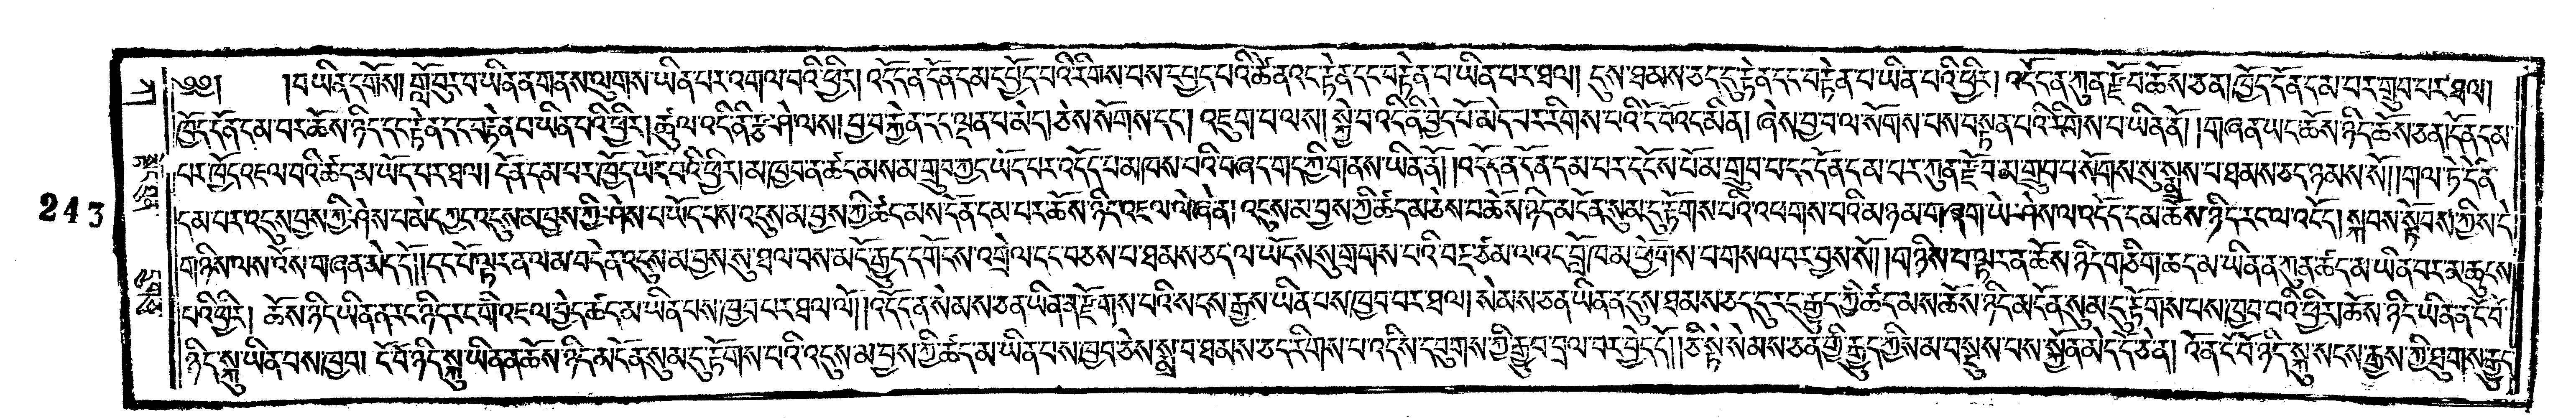༄༅། །བ་ཡིན་དགོས། གློ་བུར་བ་ཡིན་ན་གནས་ལུགས་ཡིན་པར་འགལ་བའི་ཕྱིར། འདོད་ན་དོན་དམ་དཔྱོད་པའི་རིགས་པས་དཔྱད་པའི་ཚེ་ནའང་རྟེན་དང་བརྟེན་པ་ཡིན་པར་ཐལ། དུས་ཐམས་ཅད་དུ་རྟེན་དང་བརྟེན་པ་ཡིན་པའི་ཕྱིར། འདེད་ན་ཀུན་རྫོབ་ཆོས་ཅན། ཁྱོད་དོན་དམ་པར་གྲུབ་པར་ཐལ།
ཁྱོད་དོན་དམ་པར་ཆོས་ཉིད་དང་རྟེན་དང་བརྟེན་པ་ཡིན་པའི་ཕྱིར། ཚུལ་འདི་ནི་རྩ་ཤེ་ལས། བྱ་བ་རྐྱེན་དང་ལྡན་པ་མེད། ཅེས་སོགས་དང་། འཇུག་པ་ལས། སྐྱེ་བ་འདི་ནི་བྱེད་པོ་མེད་པར་རིགས་པའི་ངོ་བོའང་མིན། ཞེས་བྱ་བ་ལ་སོགས་པས་བསྟན་པའི་རིགས་པ་ཡིན་ནོ། །གཞན་ཡང་ཆོས་ཉིད་ཆོས་ཅན། དོན་དམ་
པར་ཁྱོད་འཇལ་བའི་ཚད་མ་ཡོད་པར་ཐལ། དོན་དམ་པར་ཁྱོད་ཡོད་པའི་ཕྱིར། མ་ཁྱབ་ན་ཚད་མས་མ་གྲུབ་ཀྱང་ཡོད་པར་འདོད་པ་མཁས་པའི་བཞད་གད་ཀྱི་གནས་ཡིན་ནོ། །འདོད་ན་དོན་དམ་པར་དངོས་པོ་མ་གྲུབ་པ་དང་དོན་དམ་པར་ཀུན་རྫོབ་མ་གྲུབ་པ་སོགས་སུ་སྨྲས་པ་ཐམས་ཅད་ཉམས་སོ། །གལ་ཏེ་དེན་
དམ་པར་འདུས་བྱས་ཀྱི་ཤེས་པ་མེད་ཀྱང་འདུས་མ་བྱས་ཀྱི་ཤེས་པ་ཡོད་པས་འདུས་མ་བྱས་ཀྱི་ཚད་མས་དོན་དམ་པར་ཆོས་ཉིད་འཇལ་ལེ་ཞེ་ན། འདུས་མ་བྱས་ཀྱི་ཚད་མ་ཅེས་པ་ཆོས་ཉིད་མངོན་སུམ་དུ་རྟོགས་པའི་འཕགས་པའི་མཉམ་གཞག་ཡེ་ཤེས་ལ་འདོད་དམ་ཆོས་ཉིད་རང་ལ་འདོད། སྐབས་སྟོབས་ཀྱིས་དེ་
གཉིས་ལས་འོས་གཞན་མེད་དོ། །དང་པོ་ལྟར་ན་ལམ་བདེན་འདུས་མ་བྱས་སུ་ཐལ་བས་མདོ་རྒྱུད་དགོངས་འགྲེལ་དང་བཅས་པ་ཐམས་ཅད་ལ་ཡོངས་སུ་གྲགས་པའི་བརྡ་ཙམ་ལའང་བློ་ཁ་མ་ཕྱོགས་པ་གསལ་བར་བྱས་སོ། །གཉིས་པ་ལྟར་ན་ཆོས་ཉིད་གཅིག་ཆད་མ་ཡིན་ན་ཀུན་ཚད་མ་ཡིན་པར་མཆུངས་
པའི་ཕྱིར། ཆོས་ཉིད་ཡིན་ན་རང་ཉིད་རང་གི་འཇལ་བྱེད་ཚད་མ་ཡིན་པས་ཁྱབ་པར་ཐལ་ལོ། །འདོད་ན་སེམས་ཅན་ཡིན་ན་རྫོགས་པའི་སངས་རྒྱས་ཡིན་པས་ཁྱབ་པར་ཐལ། སེམས་ཅན་ཡིན་ན་དུས་ཐམས་ཅད་དུ་རང་རྒྱུད་ཀྱི་ཚད་མས་ཆོས་ཉིད་མངོན་སུམ་དུ་རྟོགས་པས་ཁྱབ་བའི་ཕྱིར། ཆོས་ཉིད་ཡིན་ན་ངོ་བོ་
ཉིད་སྐུ་ཡིན་པས་ཁྱབ། ངོ་བོ་ཉིད་སྐུ་ཡིན་ན་ཆོས་ཉིད་མངོན་སུམ་དུ་རྟོགས་པའི་འདུས་མ་བྱས་ཀྱི་ཚད་མ་ཡིན་པས་ཁྱབ་ཅེས་སྨྲ་བ་ཐམས་ཅད་རིགས་པ་འདིས་དབུགས་ཀྱི་རྒྱུ་བ་བྲལ་བར་བྱེད་དོ། །ཅི་སྟེ་སེམས་ཅན་གྱི་རྒྱུད་ཀྱིས་མ་བསྡུས་པས་སྐྱོན་མེད་དོ་ཅེ་ན། འོ་ན་ངོ་བོ་ཉིད་སྐུ་སངས་རྒྱས་ཀྱི་ཐུགས་རྒྱུད་